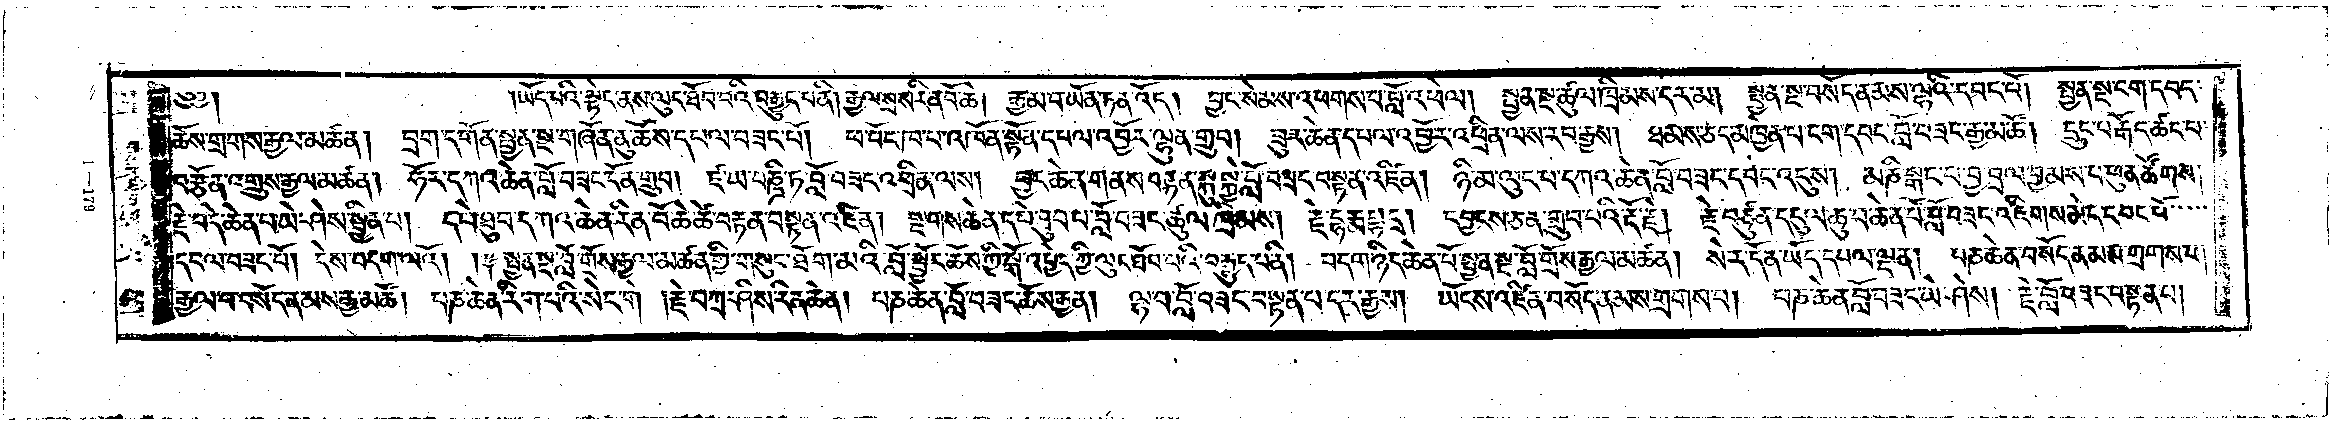༄༅། །ཡོད་པའི་ལྟེད་ནས་ལུང་ཐོབ་པའི་བརྒྱུད་པ་ནི། རྒྱལ་སྲས་རིན་པོ་ཆེ། རྒྱམ་བ་ཡོན་ཏན་འོད། བྱང་སེམས་འཕགས་པ་བློ་འཕེལ། སྤྱན་སྔ་ཚུལ་ཁྲིམས་དར་མ། སྤྱན་སྔ་བསོད་ནམས་ལྷའི་དབང་པོ། སྤྱན་སྔ་ངག་དབང་
ཆོས་གྲགས་རྒྱལ་མཚན། བྲག་དགོན་སྤྱན་སྔ་གཞོན་ནུ་ཆོས་དཔལ་བཟང་པོ། ཕ་བོང་ཁ་པ་འཁོན་སྟོན་དཔལ་འབྱོར་ལྷུན་གྲུབ། ཟུར་ཆེན་དཔལ་འབྱོར་འཕྲིན་ལས་རབ་རྒྱས། ཐམས་ཅད་མཁྱེན་པ་ངག་དབང་བློ་བཟང་རྒྱ་མཚོ། དྲུང་པ་རྒོད་ཚང་བ་
བརྩོན་འགྲུས་རྒྱལ་མཚན། ཧོར་དཀའ་ཆེན་བློ་བཟང་དོན་གྲུབ། ཛ་ཡ་པཎྜི་ཏ་བློ་བཟང་འཕྲིན་ལས། བྱང་ཆེན་གནས་བརྟན་སྐུ་སྐྱེ་བློ་བཟང་བསྟན་འཛིན། ཉི་མ་ལུང་པ་དཀའ་ཆེན་བློ་བཟང་དབང་འདུས། མཎི་སྒང་བ་བྱ་བྲལ་བྱམས་པ་ཕུན་ཚོགས་
རྗེ་བདེ་ཆེན་པ་ཡེ་ཤེས་སྦྱིན་པ། དཔེ་ཐུབ་དཀའ་ཆེན་རིན་པོ་ཆེ་ཚེ་བརྟན་བསྟན་འཛིན། སྔགས་ཆེན་དཔེ་ཐུབ་པ་བློ་བཟང་ཚུལ་ཁྲིམས། རྗེ་དྷ་རྨ་བྷདྲ། དབྱངས་ཅན་གྲུབ་པའི་རྡོ་རྗེ། རྗེ་བཙུན་དངུལ་ཆུ་བ་ཆེན་པོ་བློ་བཟང་འཇིགས་མེད་དབང་པོ་
དང་ལ་བཟང་པོ། དེས་བདག་ལའོ། ། ༈ སྤྱན་ལྔ་བློ་གྲོས་རྒྱལ་མཚན་གྱི་གསུང་ཐོག་མའི་བློ་སྦྱོང་ཆོས་ཀྱི་སྒོ་འབྱེད་ཀྱི་ལུང་ཐོབ་པའི་བརྒྱུད་པ་ནི། བདག་ཉིད་ཆེན་པོ་སྤྱན་སྔ་བློ་གྲོས་རྒྱལ་མཚན། སེར་དོན་ཡོད་དཔལ་ལྡན། པཎ་ཆེན་བསོད་ནམས་གྲགས་པ།
རྒྱལ་བ་བསོད་ནམས་རྒྱ་མཚོ། པཎ་ཆེན་རིག་པའི་སེང་གེ། །རྗེ་བཀྲ་ཤིས་རིན་ཆེན། པཎ་ཆེན་བློ་བཟང་ཆོས་རྒྱན། ལྷ་བ་བློ་བཟང་བསྟན་པ་དར་རྒྱས། ཡོངས་འཛིན་བསོད་ནམས་གྲགས་པ། པཎ་ཆེན་བློ་བཟང་ཡེ་ཤེས། རྗེ་བློ་བཟང་བསྟན་པ།